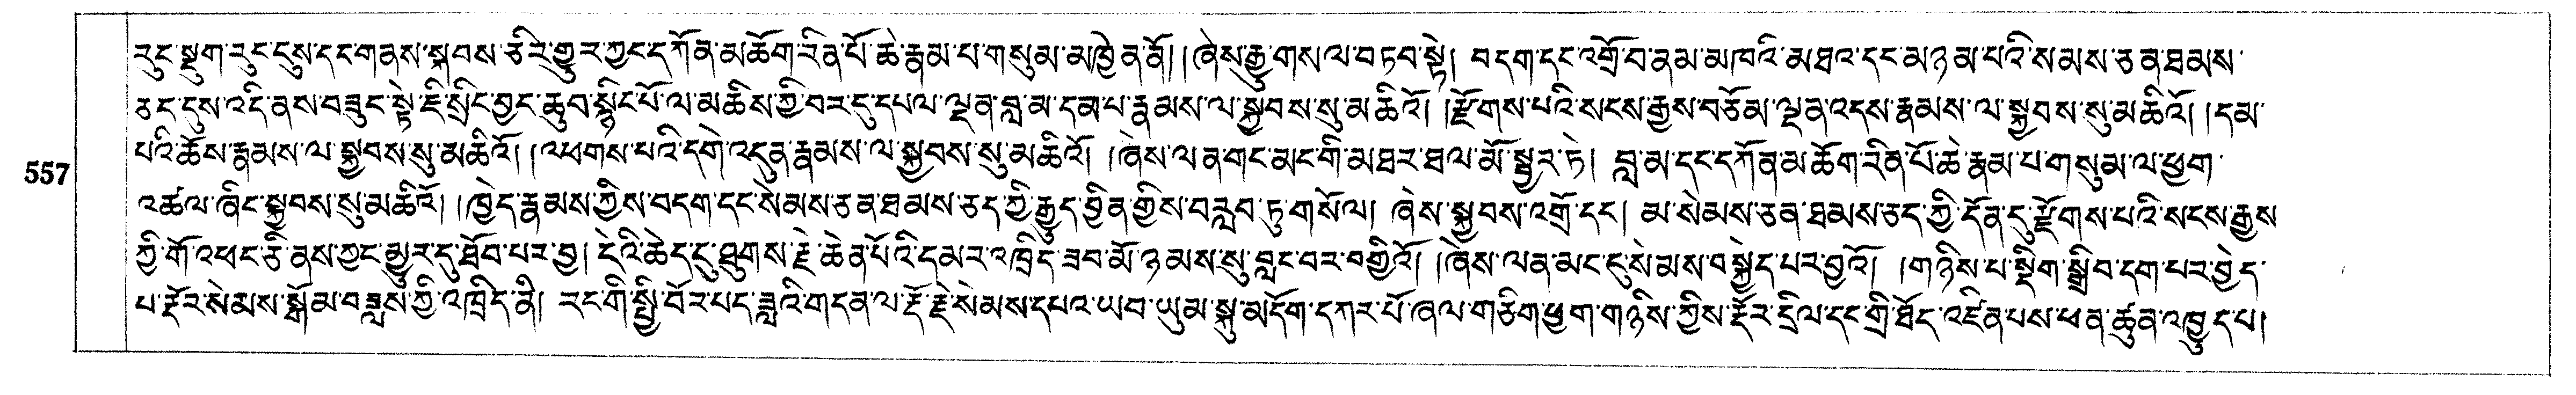རུང་སྡུག་རུང་དུས་དང་གནས་སྐབས་ཅིར་གྱུར་ཀྱང་དཀོན་མཆོག་རིན་པོ་ཆེ་རྣམ་པ་གསུམ་མཁྱེན་ནོ། །ཞེས་རྒྱུ་གསལ་བཏབ་སྟེ། བདག་དང་འགྲོ་བ་ནམ་མཁའི་མཐའ་དང་མཉམ་པའི་སེམས་ཅན་ཐམས་
ཅད་དུས་འདི་ནས་བཟུང་སྟེ་ཇི་སྲིད་བྱང་ཆུབ་སྙིང་པོ་ལ་མཆིས་ཀྱི་བར་དུ་དཔལ་ལྡན་བླ་མ་དམ་པ་རྣམས་ལ་སྐྱབས་སུ་མཆིའོ། །རྫོགས་པའི་སངས་རྒྱས་བཅོམ་ལྡན་འདས་རྣམས་ལ་སྐྱབས་སུ་མཆིའོ། །དམ་
པའི་ཆོས་རྣམས་ལ་སྐྱབས་སུ་མཆིའོ། །འཕགས་པའི་དགེ་འདུན་རྣམས་ལ་སྐྱབས་སུ་མཆིའོ། །ཞེས་ལན་གང་མང་གི་མཐར་ཐལ་མོ་སྦྱར་ཏེ། བླ་མ་དང་དཀོན་མཆོག་རིན་པོ་ཆེ་རྣམ་པ་གསུམ་ལ་ཕྱག་
འཚལ་ཞིང་སྐྱབས་སུ་མཆིའོ། །ཁྱེད་རྣམས་ཀྱིས་བདག་དང་སེམས་ཅན་ཐམས་ཅད་ཀྱི་རྒྱུད་བྱིན་གྱིས་བརླབ་ཏུ་གསོལ། ཞེས་སྐྱབས་འགྲོ་དང་། མ་སེམས་ཅན་ཐམས་ཅད་ཀྱི་དོན་དུ་རྫོགས་པའི་སངས་རྒྱས་
ཀྱི་གོ་འཕང་ཅི་ནས་ཀྱང་མྱུར་དུ་ཐོབ་པར་བྱ། དེའི་ཆེད་དུ་ཐུགས་རྗེ་ཆེན་པོའི་དམར་འཁྲིད་ཟབ་མོ་ཉམས་སུ་བླང་བར་བགྱིའོ། །ཞེས་ལན་མང་དུ་སེམས་བསྐྱེད་པར་བྱའོ། །གཉིས་པ་སྡིག་སྒྲིབ་དག་པར་བྱེད་
པ་རྡོར་སེམས་སྒོམ་བཟླས་ཀྱི་འཁྲིད་ནི། རང་གི་སྤྱི་བོར་པད་ཟླའི་གདན་ལ་རྡོ་རྗེ་སེམས་དཔའ་ཡབ་ཡུམ་སྐུ་མདོག་དཀར་པོ་ཞལ་གཅིག་ཕྱག་གཉིས་ཀྱིས་རྡོར་དྲིལ་དང་གྲི་ཐོད་འཛིན་པས་ཕན་ཚུན་འཁྱུད་པ།